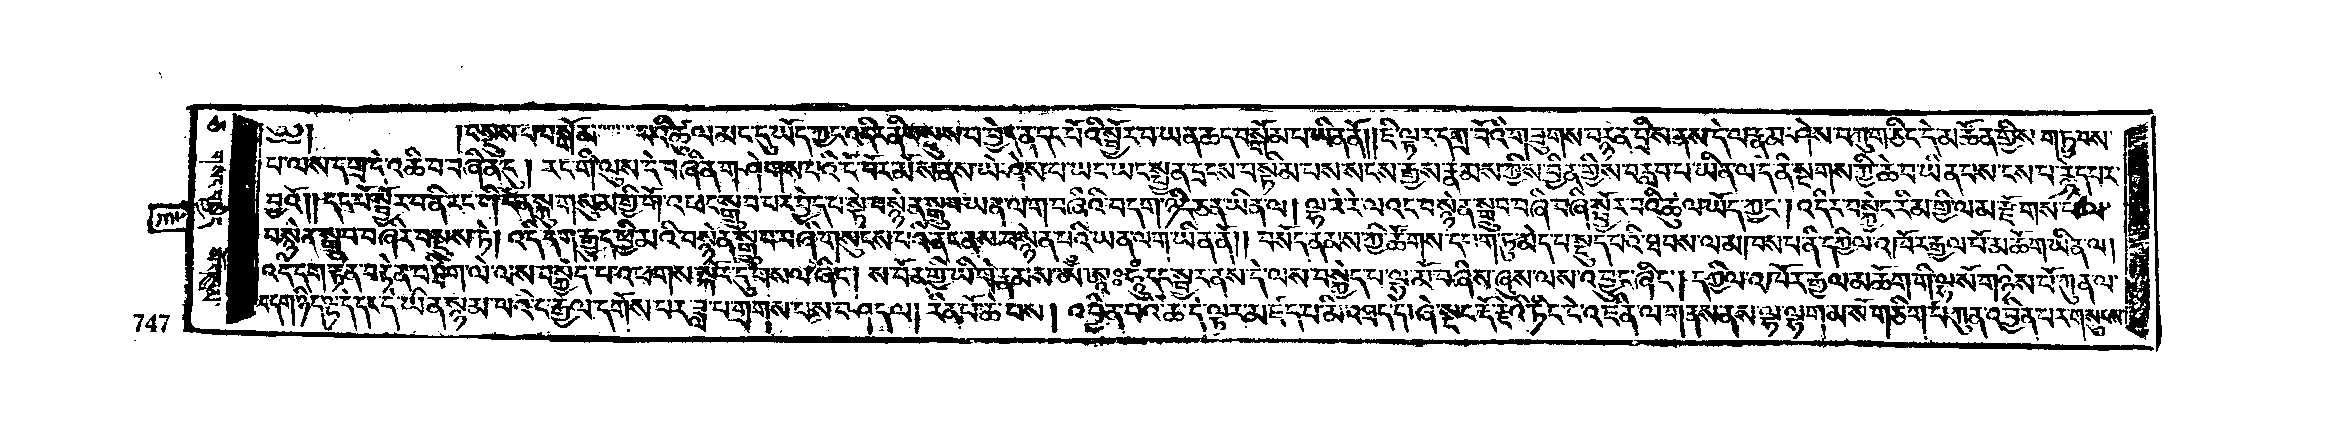༄༅། །བསྡུས་པ་བསྒོམ་པའི་ཚུལ་མང་དུ་ཡོད་ཀྱང་འདིར་ནི་བསྡུས་པ་བྱེད་ན་དང་པོའི་སྦྱོར་བ་ཡན་ཆད་བསྒོམ་པ་ཡིན་ནོ། །ཇི་ལྟར་དགྲ་བོའི་གཟུགས་བརྙན་བྲིས་ནས་དེ་ལ་རྣམ་ཤེས་བཀུག་ཅིང་དེ་མཚོན་གྱིས་གཏུབས་
པ་ལས་དགྲ་དེ་འཆི་བ་བཞིན་དུ། རང་གི་ལུས་དེ་བཞིན་གཤེགས་པའི་ངོ་བོར་མོས་ནས་ཡེ་ཤེས་པ་ཡང་ཡང་སྤྱན་དྲངས་བསྟིམ་པས་སངས་རྒྱས་རྣམས་ཀྱིས་བྱིན་གྱིས་བརླབ་པ་ཡིན་ལ་དེ་ནི་སྔགས་ཀྱི་ཆེ་བ་ཡིན་པས་ངེས་པ་རྙེད་པར་
བྱའོ། །དང་པོ་སྦྱོར་བ་ནི་རང་གི་དོན་སྐུ་གསུམ་གྱི་གོ་འཕང་སྒྲུབ་པར་བྱེད་པ་སྟེ་བསྙེན་སྒྲུབ་ཡན་ལག་བཞིའི་བདག་ཉིད་ཅན་ཡིན་ལ། ལྷ་རེ་རེ་ལའང་བསྙེན་སྒྲུབ་བཞི་བཞི་སྦྱོར་བའི་ཚུལ་ཡོད་ཀྱང་། འདིར་བསྐྱེད་རིམ་གྱི་ལམ་རྫོགས་པ་ལ་
བསྙེན་སྒྲུབ་བཞིར་བསྡུས་ཏེ། འདི་དག་རྒྱུད་ཕྱི་མའི་བསྙེན་སྒྲུབ་བཞི་གསུངས་པའི་ནང་ནས་བསྙེན་པའི་ཡན་ལག་ཡིན་ནོ། །བསོད་ནམས་ཀྱི་ཚོགས་དཔག་ཏུ་མེད་པ་སྡུད་པའི་ཐབས་ལ་མཁས་པ་ནི་དཀྱིལ་འཁོར་རྒྱལ་པོ་མཆོག་ཡིན་ལ།
འདི་དག་རྟེན་བརྟེན་པ་ཐིག་ལེ་ལས་བསྐྱེད་པ་འཕགས་སྐོར་དུ་གསལ་ཞིང་། ས་བོན་གྱི་ཡི་གེ་རྣམས་ཨོཾ་ཨཱཿ ཧཱུཾ་དང་སྦྱར་ནས་དེ་ལས་བསྐྱེད་པ་ལྷ་མོ་བཞིས་ཞུས་ལས་འབྱུང་ཞིང་། དཀྱིལ་འཁོར་རྒྱལ་མཆོག་གི་ལྷ་སོ་གཉིས་པོ་ཀུན་ལ་
བདག་ཉིད་ལྷ་དེ་དང་དེ་ཡིན་སྙམ་པའི་ང་རྒྱལ་དགོས་པར་ཟླ་བ་གྲགས་པས་བཤད་ལ། རིན་པོ་ཆེ་པས། འབྱིན་པའི་ཆ་དེ་ལྟར་མཛད་པ་མི་འཐད་དེ། ཞེ་སྡང་རྡོ་རྗེའི་ཏིང་ངེ་འཛིན་ལ་གནས་ནས་ལྷ་ལྷག་མ་སོ་གཅིག་པོ་ཀུན་འབྱིན་པར་གསུངས་